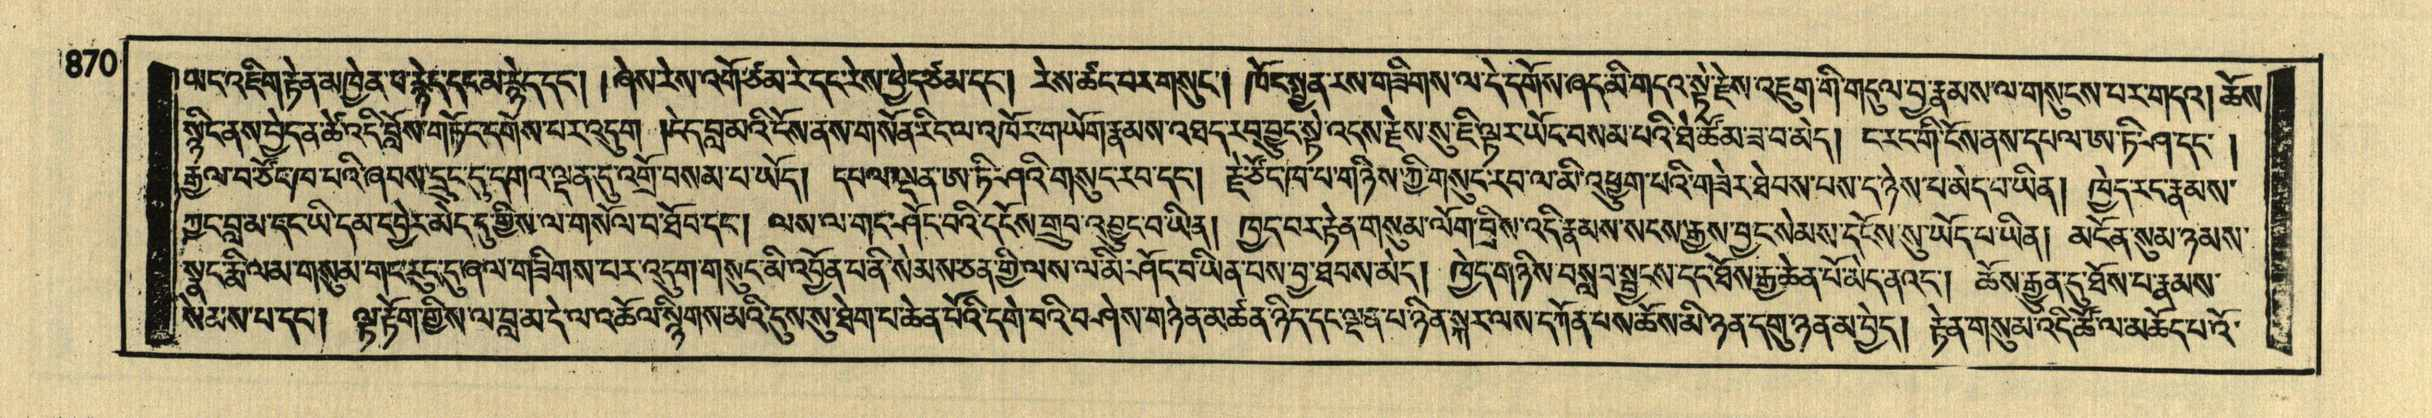ཡང་འཇིག་རྟེན་མཁྱེན་པ་རྙེད་དང་མ་རྙེད་དང་། །ཞེས་རེས་འོག་ཙམ་རེ་དང་རེས་ཕྱེད་ཙམ་དང་། རེས་ཚང་བར་གསུང་། ཁོང་སྤྱན་རས་གཟིགས་ལ་དེ་དགོས་ཞད་མི་གདའ་སྟེ་རྗེས་འཇུག་གི་གདུལ་བྱ་རྣམས་ལ་གསུངས་པར་གདའ། ཆོས་
སྙིང་ནས་བྱེད་ན་ཚེ་འདི་བློས་གཏོང་དགོས་པར་འདུག །ངེད་བླ་མའི་ངོས་ནས་གསོན་རིང་ལ་འཁོར་གཡོག་རྣམས་འཐད་རབ་བྱུང་སྟེ་འདས་རྗེས་སུ་ཇི་ལྟར་ཡོང་བསམ་པའི་ཐེ་ཚོམ་ཟ་བ་མེད། ང་རང་གི་ངོས་ནས་དཔལ་ཨ་ཏི་ཤ་དང་།
རྒྱལ་བ་ཙོང་ཁ་པའི་ཞབས་དྲུང་དུ་དགའ་ལྡན་དུ་འགྲོ་བསམ་པ་ཡོད། དཔལ་ལྡན་ཨ་ཏི་ཤའི་གསུང་རབ་དང་། རྗེ་ཙོང་ཁ་པ་གཉིས་ཀྱི་གསུང་རབ་ལ་མི་འཕྱུག་པའི་གཟེར་ཐེབས་པས་ད་ཉེས་པ་མེད་པ་ཡིན། ཁྱེད་རང་རྣམས་
ཀྱང་བླ་མ་དང་ཡི་དམ་དབྱེར་མེད་དུ་གྱིས་ལ་གསོལ་བ་ཐོབ་དང་། ལས་ལ་གང་ཤོང་བའི་དངོས་གྲུབ་འབྱུང་བ་ཡིན། ཁྱད་བར་རྟེན་གསུམ་ལོག་བྲིས་འདི་རྣམས་སངས་རྒྱས་བྱང་སེམས་དངོས་སུ་ཡོད་པ་ཡིན། མངོན་སུམ་ཉམས་
སྣང་རྨི་ལམ་གསུམ་གང་རུང་དུ་ཞལ་གཟིགས་པར་འདུག་གསུང་མི་འབྱོན་པ་ནི་སེམས་ཅན་གྱི་ལས་ལ་མི་ཤོང་བ་ཡིན་པས་བྱ་ཐབས་མེད། ཁྱེད་གཉིས་བསླབ་སྦྱངས་དང་ཐོས་རྒྱ་ཆེན་པོ་མེད་ནའང་། ཆོས་རྒྱུན་དུ་ཐོས་པ་རྣམས་
སེམས་པ་དང་། ལྟ་རྟོག་གྱིས་ལ་བླ་མ་དེ་ལ་འཆོལ་སྙིགས་མའི་དུས་སུ་ཐེག་པ་ཆེན་པོའི་དགེ་བའི་བཤེས་གཉེན་མཚན་ཉིད་དང་ལྡན་པ་ཉིན་སྐར་ལས་དཀོན་པས་ཆོས་མི་ཉན་དགུ་ཉན་མ་བྱེད། རྟེན་གསུམ་འདི་ཚོ་ལ་མཆོད་པ་འོ་